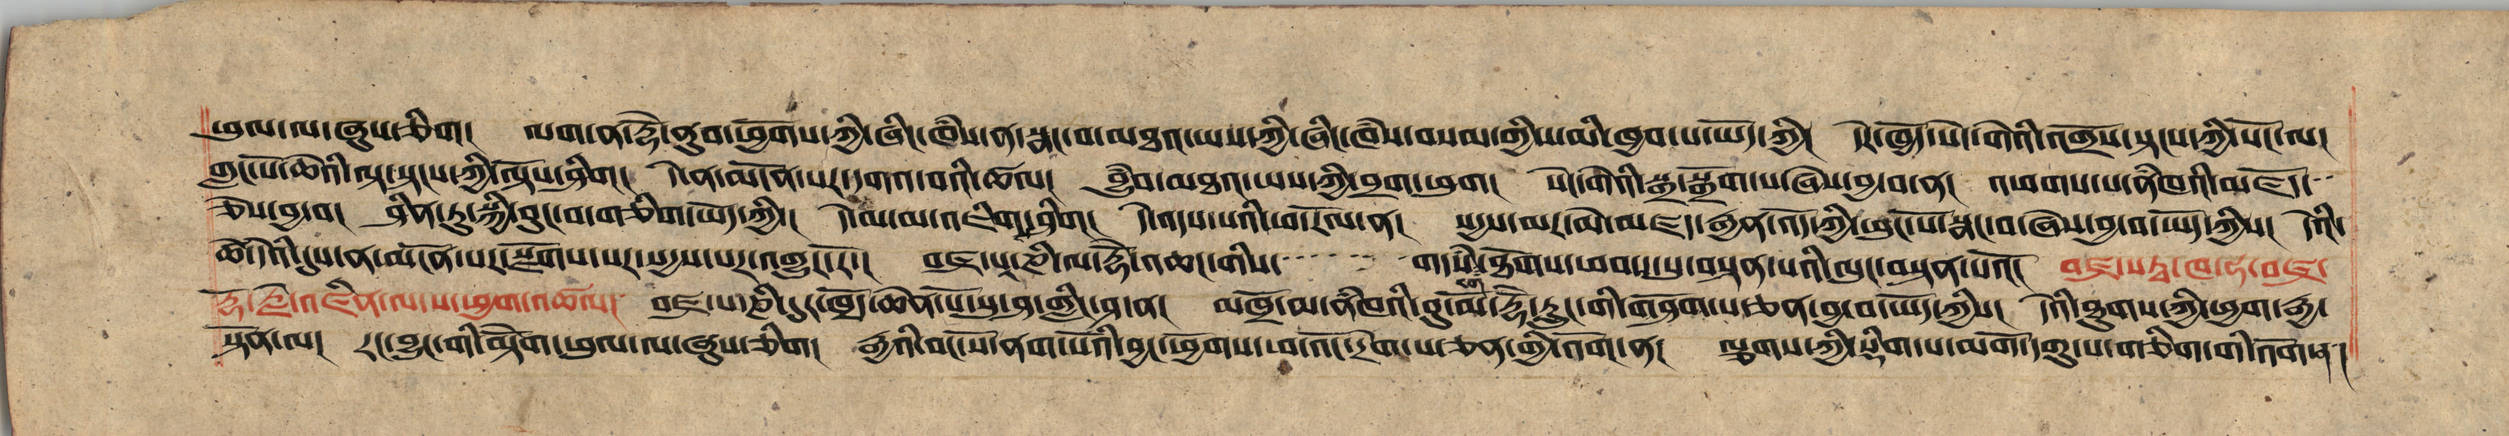ཕུལ་ལ་ཞུས་ཅིག། ལག་ན་རྡོེ་ནུབ་ཕྱོགས་ཀྱི་ཞིང་ཁཾས་ན་སྣང་བ་མཐའ་ཡས་ཀྱི་ཞིང་ཁཾས་བསམ་གྱིས་མི་ཁྱབ་པ་ཡོད་ཀྱི། དེར་ཁྱོད་སེང་གེའི་འགྲོས་སྟངས་ཀྱི་སོང་ལ།
གླང་པོ་ཆེའི་ལྟ་སྟངས་ཀྱི་ལྟོས་ཤིག། དེ་ན་མངོན་པར་དགའ་བའི་ཚལ། བྱུཾབ་མཐའ་ཡས་ཀྱི་བྲག་ཕུག། སེང་གེའི་སྒྲ་སྒྲོག་པ་ཞེས་བྱ་བ་ན། འཕགས་པ་ནཾཁའི་མཛོད་
ཅེས་བྱ་བ། ཤིན་ཏུ་སྐྱི་བུང་བ་གཅིག་ཡོད་ཀྱི་། དེ་མ་མ་འཇིག་ཤིག། དེ་འདས་པའི་ཕ་རོལ་ན། སདྱས་མར་མེ་མཛད་རྒྱན་འོད་ཀྱི་ཕུང་པོ་སྣང་བ་ཞེས་བྱ་བ་ཡོད་ཀྱིས། དེའི་
ཚེ་དེའི་དུས་ན་མངོན་པར་སྫོགས་པར་སདྱས་པར་འགྱུར་རོ་། བཛྲ་པཱ་ཎི་ལ་རྡོེ་འཆང་གིས་་་་་གདསཾ་ངག་ཐོགས་ཕབས་སུ་བསྟན་པའི་ལུང་བསྟན་པའོ་། བཛྲ་སཏྭ་ཁ་ཧ་བཛྲ་
རྡོ་རྗེ་འཛིན་ལ་ས་ཕྱག་འཚལ། བཛྲ་པ་ཎི་དུར་ཁྲོད་ཆེན་པོ་པུ་ཤ་གླིང་ཤ་ན། མཁྲོ་མ་ནཾཁའི་བུ་མོ་རྡོཻ་རླུང་གི་གཤོག་པ་ཅན་བྱ་བ་ཡོད་ཀྱིས། དེའི་ཐུགས་ཀྱི་ཕྱག་རྒྱ་
སྟོན་ལ། རང་བྱུང་གི་མྟེོག་ཕུལ་ལ་ཞུས་ཅིག། རྒྱའི་བང་སོ་ནག་པོའི་བྱང་ཕྱོགས་ཕ་འོང་དྲེག་པ་ཅན་གྱི་འོག་ན། ལྕགས་ཀྱི་སྡིག་པ་མགོ་དགུ་པ་གཅིག་གི་འོག་ན།